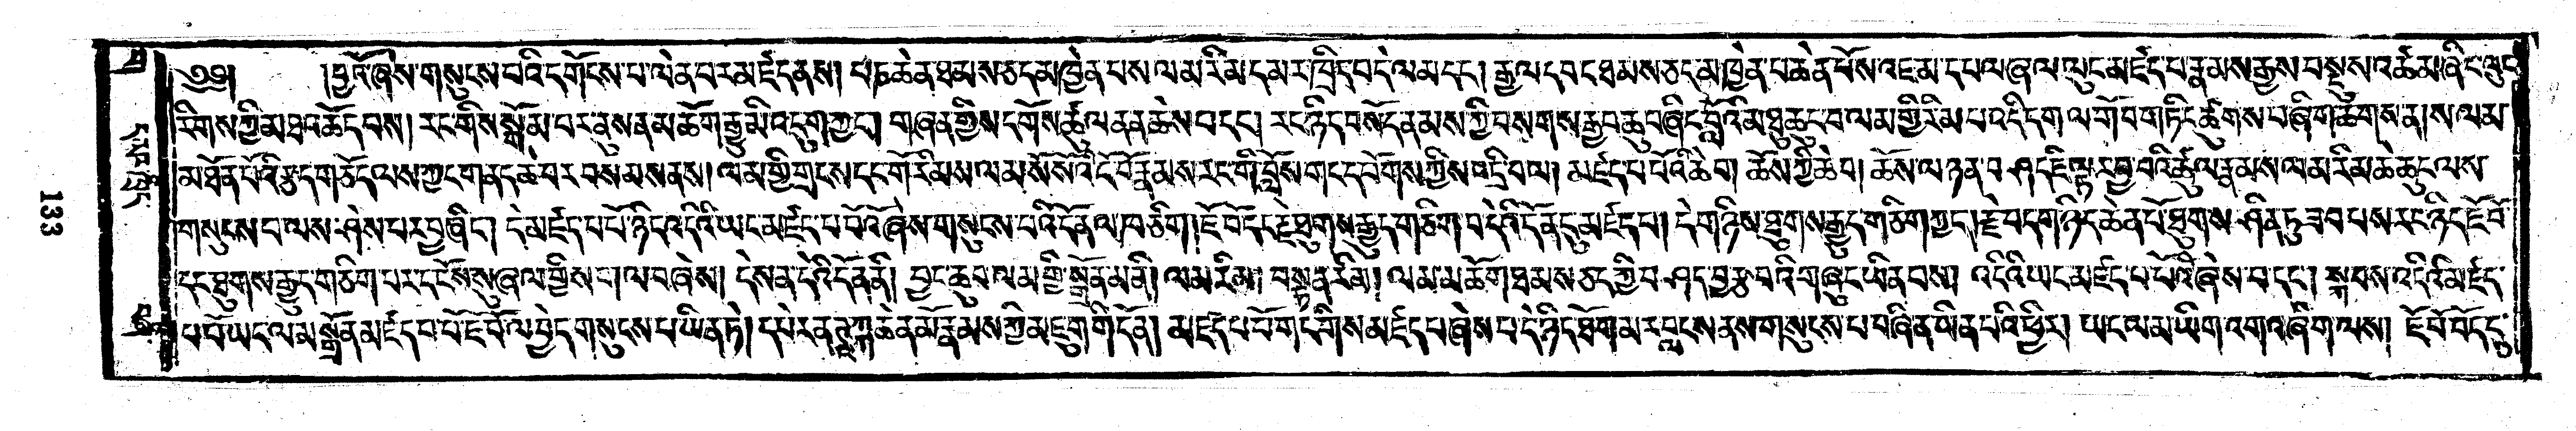༄༅། །བྱའོ་ཞེས་གསུངས་པའི་དགོངས་པ་ལེན་པར་མཛད་ནས། པཎ་ཆེན་ཐམས་ཅད་མཁྱེན་པས་ལམ་རིམ་དམར་ཁྲིད་བདེ་ལམ་དང་། རྒྱལ་དབང་ཐམས་ཅད་མཁྱེན་པ་ཆེན་པོས་འཇམ་དཔལ་ཞལ་ལུང་མཛད་པ་རྣམས་རྒྱས་བསྡུས་འཚམ་ཞིང་ལུང་
རིགས་ཀྱི་མཐའ་ཆོད་བས། རང་གིས་སྒོམ་པར་ནུས་ན་མཆོག་རྒྱུ་མི་འདུག་ཀྱང་། གཞན་གྱིས་དགོས་ཚུལ་ནན་ཆེས་བ་དང་། རང་ཉིད་བསོད་ནམས་ཀྱི་བསགས་རྒྱབ་ཆུབ་ཞིང་བློའི་མཐུ་ཆུང་བ་ལམ་གྱི་རིམ་པ་འདི་དག་ལ་གོ་བ་གཏིང་ཚུགས་པ་ཞིག་ཆགས་ན། ས་ལམ་
མཐོན་པོའི་རྩད་གཅོད་ལས་ཀྱང་གནད་ཆེ་བར་བསམས་ནས། ལམ་གྱི་གྲངས་དང་གོ་རིམས་ལམ་སོ་སོའི་ངོ་བོ་རྣམས་རང་གི་བློས་གང་དཔོགས་ཀྱིས་འདྲི་བ་ལ། མཛད་པ་པོའི་ཆེ་བ། ཆོས་ཀྱི་ཆེ་བ། ཆོས་ལ་ཉན་བཤད་ཇི་ལྟར་བྱ་བའི་ཚུལ་རྣམས་ལམ་རིམ་ཆེ་ཆུང་ལས་
གསུངས་པ་ལས་ཤེས་པར་བྱ་ཞིང་། དེ་མཛད་པ་པོ་ཉིད་འདིའི་ཡང་མཛད་པ་པོའོ་ཞེས་གསུངས་པའི་དོན་ལ་ཁ་ཅིག །ཇོ་བོ་དང་རྗེ་ཐུགས་རྒྱུད་གཅིག་བ་དེའི་དོན་དུ་མཛད་པ། དེ་གཉིས་ཐུགས་རྒྱུད་གཅིག་ཀྱང་། རྗེ་བདག་ཉིད་ཆེན་པོ་ཐུགས་ཤིན་ཏུ་ཟབ་པས་རང་ཉིད་ཇོ་བོ་
དང་ཐུགས་རྒྱུད་གཅིག་པར་དངོས་སུ་ཞལ་གྱིས་བ། ལ་བཞེས། དེས་ན་དེའི་དོན་ནི། བྱང་ཆུབ་ལམ་གྱི་སྒྲོན་མ་ནི། ལམ་རིམ། བསྟན་རིམ། ལམ་མཆོག་ཐམས་ཅད་ཀྱི་བཤད་བྱ་རྩ་བའི་གཞུང་ཡིན་བས། འདིའི་ཡང་མཛད་པ་པོའི་ཞེས་པ་དང་། སྐབས་འདིའི་མཛད་
པ་པོ་ཡང་ལམ་སྒྲོན་མཛད་པ་པོ་ཇོ་བོ་ལ་བྱེད་གསུངས་པ་ཡིན་ཏེ། དཔེར་ན་ཊཱཀྐ་ཆེན་མོ་རྣམས་ཀྱི་མཇུག་གི་དོན། མཛད་པ་པོ་གང་གིས་མཛད་པ་ཞེས་པ་དེ་ཉིད་ཐོག་མར་བླངས་ནས་གསུངས་པ་བཞིན་ཡིན་པའི་ཕྱིར། ཡང་ལམ་ཡིག་འགའ་ཞིག་ལས། ཇོ་བོ་བོད་དུ་